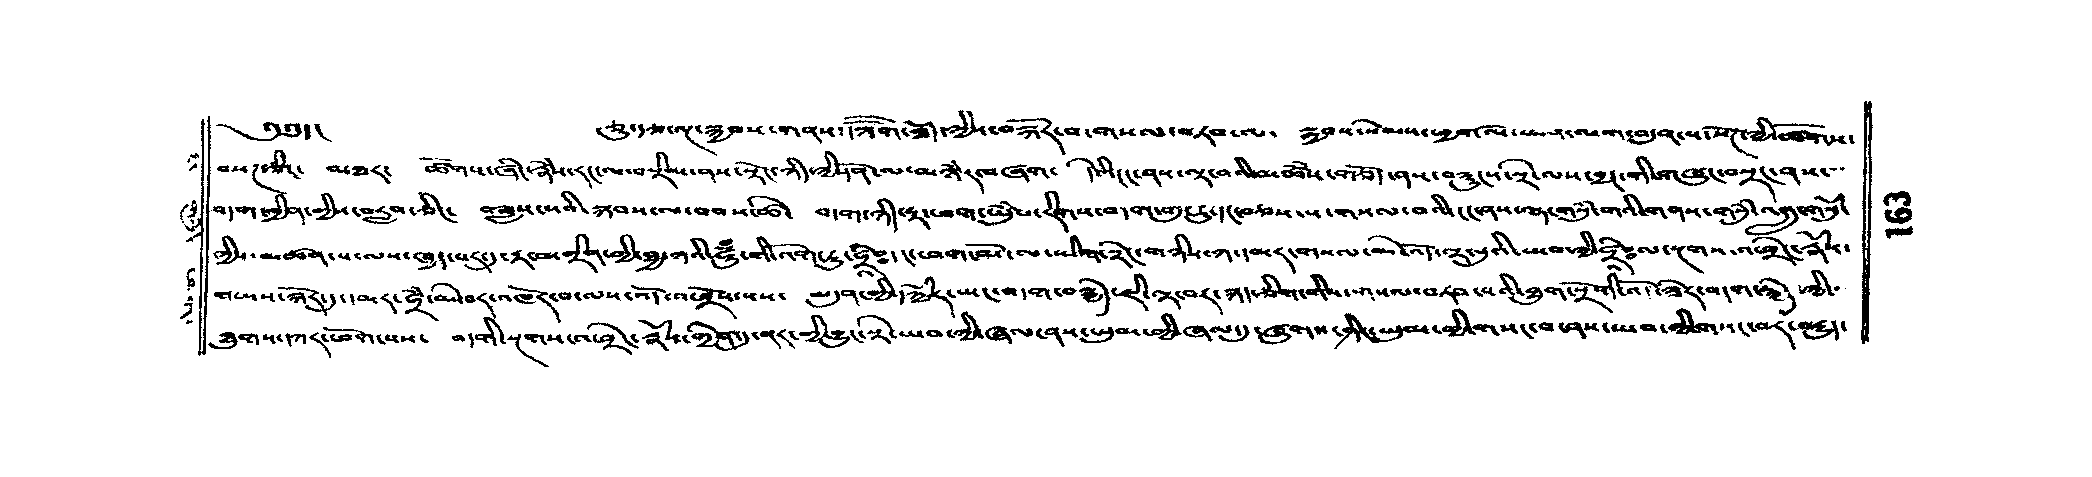ཅུ་རྩ་ལྔ་སྐྱབས་གནས་དཀོན་མཆོག་ཐམས་ཅད་ཀྱིས་བསྐོར་བ་གསལ་བཏབ་ལ། སྐྱབས་སེམ་ཕྱག་འཚལ་ཡན་ལག་བདུ་པ་སོགས་ཀྱི་ཚོགས་
བསགས་ཅིང་། མཐར། ཚོགས་ཞིང་རྣམས་རང་ལ་བསྟིམ་ནས་སྟོང་ཉིད་ཀྱི་དོན་ལ་མཉམ་པར་བཞག དེའི་ངང་ནས་ལྟ་བའི་མཚམས་གཅོད་ནས་བཟུངས་ཏེ་ལས་བྱང་གི་གཞུང་བསྲང་ནས་
བདག་བྱིན་གྱིས་བརླབ་ཅིང་། བཟླས་པའི་སྐབས་ལ་བབས་ཚེ། བདག་ནིད་རྟ་ཕག་ཡུམས་རིགས་བདག་གུ་རུ་དང་བཅས་པ་གསལ་བའི་ངང་ནས་ལྷ་གསུམ་གའི་གནས་གསུམ་འབྲུ་གསུམ་
གྱིས་མཚན་པ་ལས་ཁྱད་པར་དུ་རྟ་མགྲིན་གྱི་ཐུགས་ཀའི་ཧཱུྃ་གི་འོག་ཏུ་ཧྲཱིཿདང་ཕག་མོ་ལ་ཡིག་སྟེང་གཉིས་ཀ་དམར་གསལ་མེ་འོད་ལྟ་བུའི་ཡབ་ཀྱི་ཧྲཱིཿལ་སྔགས་འཕྲེང་རྣམས་
གཡས་སྐོར་དུ་མདར་ཧྲཾ་མེ་བར་འཁོར་བ་ལས་འོད་འཕྲོས་པས། མདུན་གྱི་དཀྱིལ་འཁོར་ཡང་བདག་བསྐྱེད་ཇི་ལྟར་སྐད་ཅིག་གིས་གསལ་བཏབ་པའི་ཐུག་སྲོག་གི་འོད་ཟེར་བདག་སྐྱེད་ཀྱི་
ཐུགས་དཀར་ཕོག་པས། བདག་གིས་སྔགས་འཕྲེང་རྣམས་གྱིན་དུ་ནར་གྱི་བྱུང་སྟེ་ཡབ་ཀྱི་ཞལ་ནས་ཡུམ་གྱི་ཞལ་དུ་ཞུགས་ཤིང་ཡུམ་གྱི་གསང་བ་ནས་ཡབ་ཀྱི་གསང་བར་བརྒྱུད་